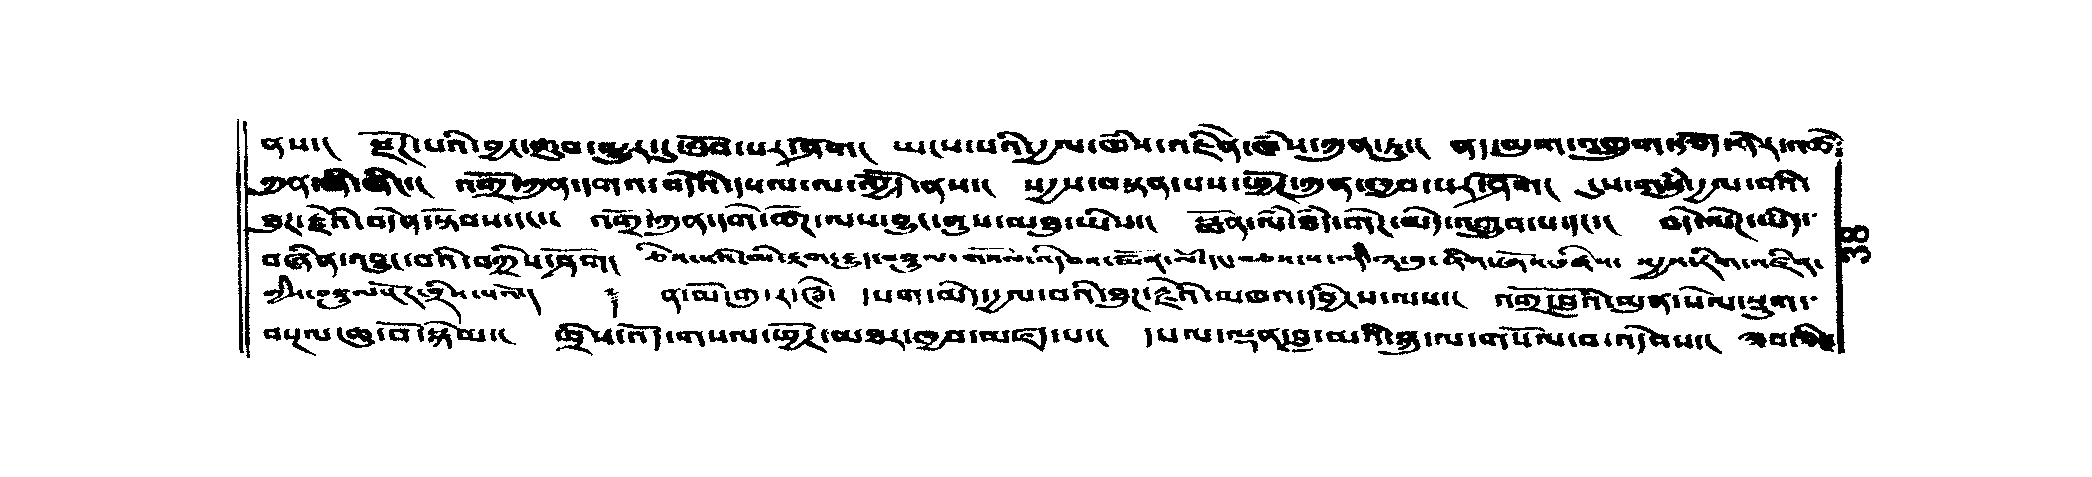ནས། །རྫོགས་པའི་བྱང་ཆུབ་མྱུར་དུ་ཐོབ་པར་ཤོག །ཡངས་པའི་རྒྱལ་ཁམས་འཇིག་རྟེན་ཁམས་ཀུན་ཏུ། །ནད་མུག་འཁྲུག་རྩོད་ཉེར་འཚེ་
ཀུན་ཞི་ཞིང་། །འགྲོ་ཀུན་དགའ་བདེའི་དཔལ་ལ་ལོངས་སྤྱོད་ནས། །སངས་རྒྱས་བསྟན་པས་ཕྱོགས་ཀུན་ཁྱབ་པར་ཤོག །དུས་གསུམ་རྒྱལ་བའི་
ཐུགས་རྗེའི་བདེན་སྟོབས་དང་། །འགྲོ་ཀུན་དགེ་ཚོགས་ལས་བྱུང་ནུས་མཐུ་ཡིས། །སྨོན་ལམ་ཐམས་ཅད་གེགས་མེད་འགྲུབ་པ་དང་། །བདེ་ལེགས་ཡིད་
བཞིན་འབྱུང་བའི་བཀྲ་ཤིས་ཤོག ཅེས་པའི་མི་རྟག་རྒྱུད་བསྐུལ་གསོལ་འདེབས་སྨོན་ལམ་དང་བཅས་པ་འདི་ལྟ་བུ་ཞིག་དགོས་ཞེས། སངས་རྒྱས་རིག་འཛིན་
གྱིས་བསྐུལ་ངོར་བྲིས་པའོ།། ༈ ན་མོ་གུ་ར་ཝེ། དཔག་མེད་རྒྱལ་བའི་ཐུགས་རྗེའི་མཁའ་དབྱིངས་ལས། །འགྲོ་བློའི་མུན་སེལ་སྡུག་
བསྔལ་ཆུ་བོ་སྐེམ། །ཕྲིན་ལས་འོད་གསལ་ཕྱོགས་མཐར་ཁྱབ་མཛད་པ། །དཔལ་ལྡན་བླ་མའི་སྐུ་ལ་གསོལ་བ་འདེབས། །ཟབ་ཅིང་